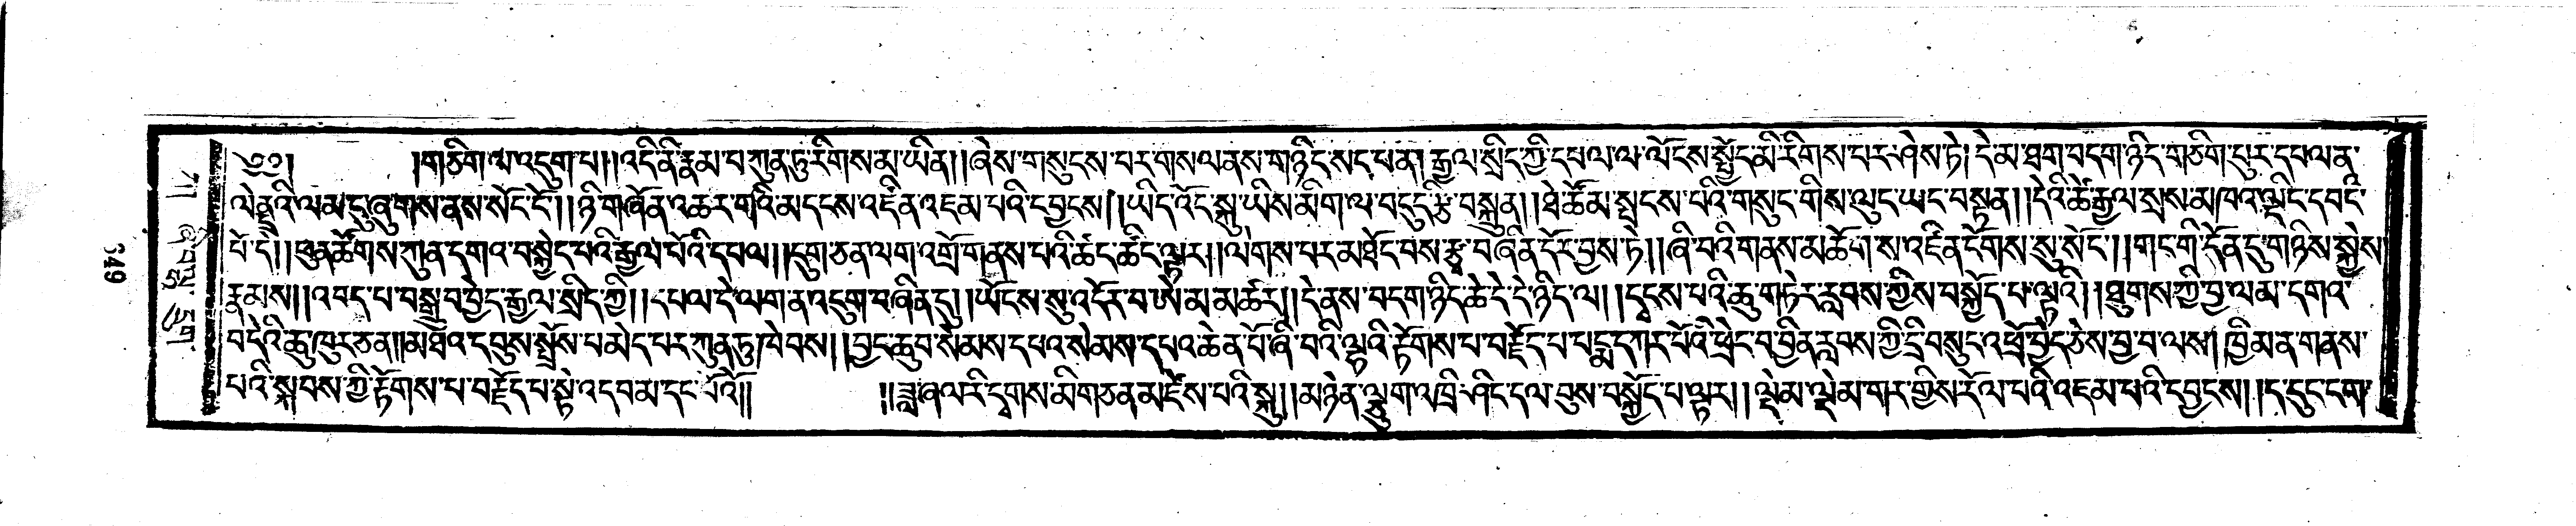༄༅། །གཅིག་ལ་འདུག་པ། །འདི་ནི་རྣམ་པ་ཀུན་ཏུ་རིགས་མ་ཡིན། །ཞེས་གསུངས་པར་གསལ་ནས་གཉིད་སད་པ་ན། རྒྱལ་སྲིད་ཀྱི་དཔལ་ལ་ལོངས་སྤྱོད་མི་རིགས་པར་ཤེས་ཏེ། དེ་མ་ཐག་བདག་ཉིད་གཅིག་པུར་དཔལ་ནཱ་
ལེནྡྲའི་ལམ་དུ་ཞུགས་ནས་སོང་ངོ། །ཉི་གཞོན་འཆར་ཀའི་མདངས་འཛིན་འཇམ་པའི་དབྱངས། །ཡིད་འོང་སྐུ་ཡིས་མིག་ལ་བདུད་རྩི་བསྐྲུན། །ཐེ་ཚོམ་སྤངས་པའི་གསུང་གིས་ལུང་ཡང་བསྟན། །དེའི་ཚེ་རྒྱལ་སྲས་མཁའ་ལྡིང་དབང་
པོ་དེ། །ཕུན་ཚོགས་ཀུན་དགའ་བསྐྱེད་པའི་རྒྱལ་པོའི་དཔལ། །དུག་ཅན་ལག་འགྲོ་གནས་པའི་ཚང་ཚིང་ལྟར། །ལེགས་པར་མཐོང་བས་རྩ་བཞིན་དོར་བྱས་ཏེ། །ཞི་བའི་གནས་མཆོག་ས་འཛིན་ངོགས་སུ་སོང་། །གང་གི་དོན་དུ་གཉིས་སྐྱེས་
རྣམས། །འབད་པ་བསྒྲུབ་བྱེད་རྒྱལ་སྲིད་ཀྱི། །དཔལ་དེ་ལག་ན་འདུག་བཞིན་དུ། །ཡོངས་སུ་འདོར་བ་ཨེ་མ་མཚར། །དེ་ནས་བདག་ཉིད་ཆེ་དེ་དེ་ཉིད་ལ། །དྭངས་བའི་ཆུ་གཏེར་རླབས་ཀྱིས་བསྐྱོད་པ་ལྟའི། །ཐུགས་ཀྱི་བྱ་ལམ་དགའ་
བདེའི་ཆུ་ཁུར་ཅན། །མཐའ་དབུས་སྤྲོས་པ་མེད་པར་ཀུན་ཏུ་ཁེབས། །བྱང་ཆུབ་སེམས་དཔའ་སེམས་དཔའ་ཆེན་པོ་ཞི་བའི་ལྷའི་རྟོགས་པ་བརྗོད་པ་པདམ་དཀར་པོའི་ཕྲེང་བ་བྱིན་རླབས་ཀྱི་དྲི་བསུང་འཕྲོ་བྱེད་ཅེས་བྱ་བ་ལས། ཁྱིམ་ན་གནས་
པའི་སྐབས་ཀྱི་རྟོགས་པ་བརྗོད་པ་སྟེ་འདབ་མ་དང་པོའོ།། །།ཟླ་ཞལ་རི་དྭགས་མིག་ཅན་མཛེས་པའི་སྐུ། །མཉེན་ལྕུག་འཁྲི་ཤིང་དལ་བུས་བསྐྱོད་པ་ལྟར། །ལྡེམ་ལྡེམ་གར་གྱིས་རོལ་པའི་འཇམ་པའི་དབྱངས། །ད་དུང་ངག་